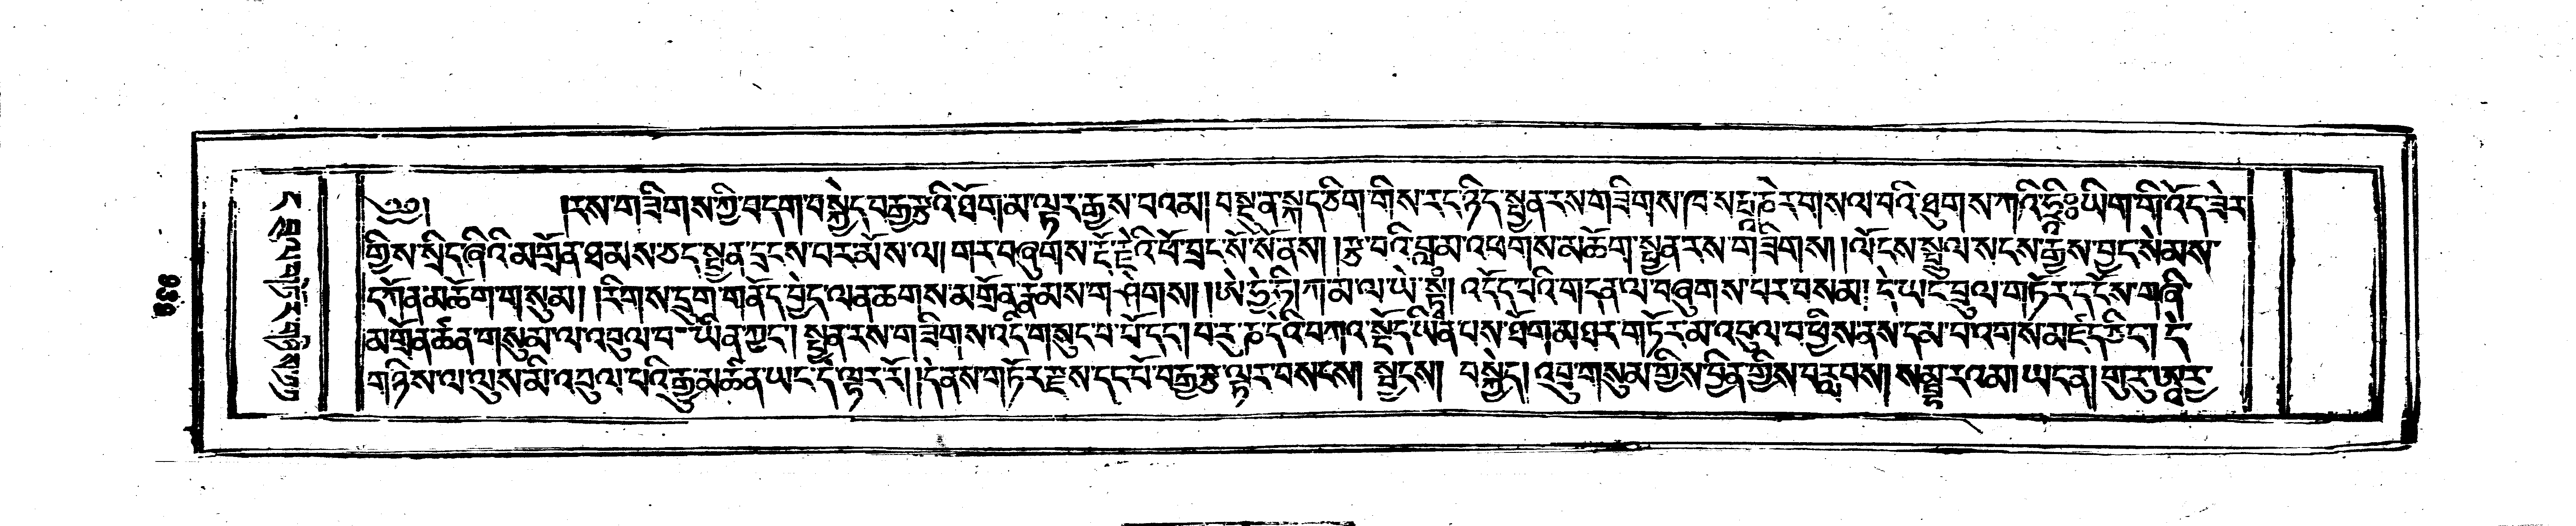༄༅། །རས་གཟིགས་ཀྱི་བདག་བསྐྱེད་བརྒྱ་རྩའི་ཐོག་མ་ལྟར་རྒྱས་པའམ། བསྡུ་ན་སྐད་ཅིག་གིས་རང་ཉིད་སྤྱན་རས་གཟིགས་ཁ་སརྦཱ་ཎིར་གསལ་བའི་ཐུགས་ཀའི་ཧྲཱིཿ ཡིག་གི་འོད་ཟེར་
གྱིས་སྲིད་ཞིའི་མགྲོན་ཐམས་ཅད་སྤྱན་དྲངས་པར་མོས་ལ། གར་བཞུགས་རྡོ་རྗེའི་ཕོ་བྲང་སོ་སོ་ནས། །རྩ་བའི་བླ་མ་འཕགས་མཆོག་སྤྱན་རས་གཟིགས། །ལོངས་སྤྲུལ་སངས་རྒྱས་བྱང་སེམས་
དཀོན་མཆོག་གསུམ། །རིགས་དྲུག་གནོད་བྱེད་ལན་ཆགས་མགྲོན་རྣམས་གཤེགས། །ཨེ་ཧྱེ་ཧི། ཀ་མ་ལ་ཡེ་སྟྭཾ། འདོད་པའི་གདན་ལ་བཞུགས་པར་བསམ། དེ་ཡང་བྲུལ་གཏོར་དངོས་གཞི་
མགྲོན་ཚན་གསུམ་ལ་འབུལ་བ་ཡིན་ཀྱང་། སྤྱན་རས་གཟིགས་འདི་གསུང་བ་པོ་དང་། བ་རུ་ཎ་དེའི་བཀའ་སྡོད་ཡིན་པས་ཐོག་མཐར་གཏོར་མ་འབུལ་བ་ཕྱིས་ནས་དམ་པ་འགས་མཛད་ཅིང་། དེ་
གཉིས་ལ་ལུས་མི་འབུལ་བའི་རྒྱུ་མཚན་ཡང་དེ་ལྟར་རོ། །དེ་ནས་གཏོར་རྫས་དང་པོ་བརྒྱ་རྩ་ལྟར་བསངས། སྦྱངས། བསྐྱེད། འབྲུ་གསུམ་གྱིས་བྱིན་གྱིས་བརླབས། སམྦྷ་རའམ། ཡང་ན། གུ་རུ་ཨཱརྱ་